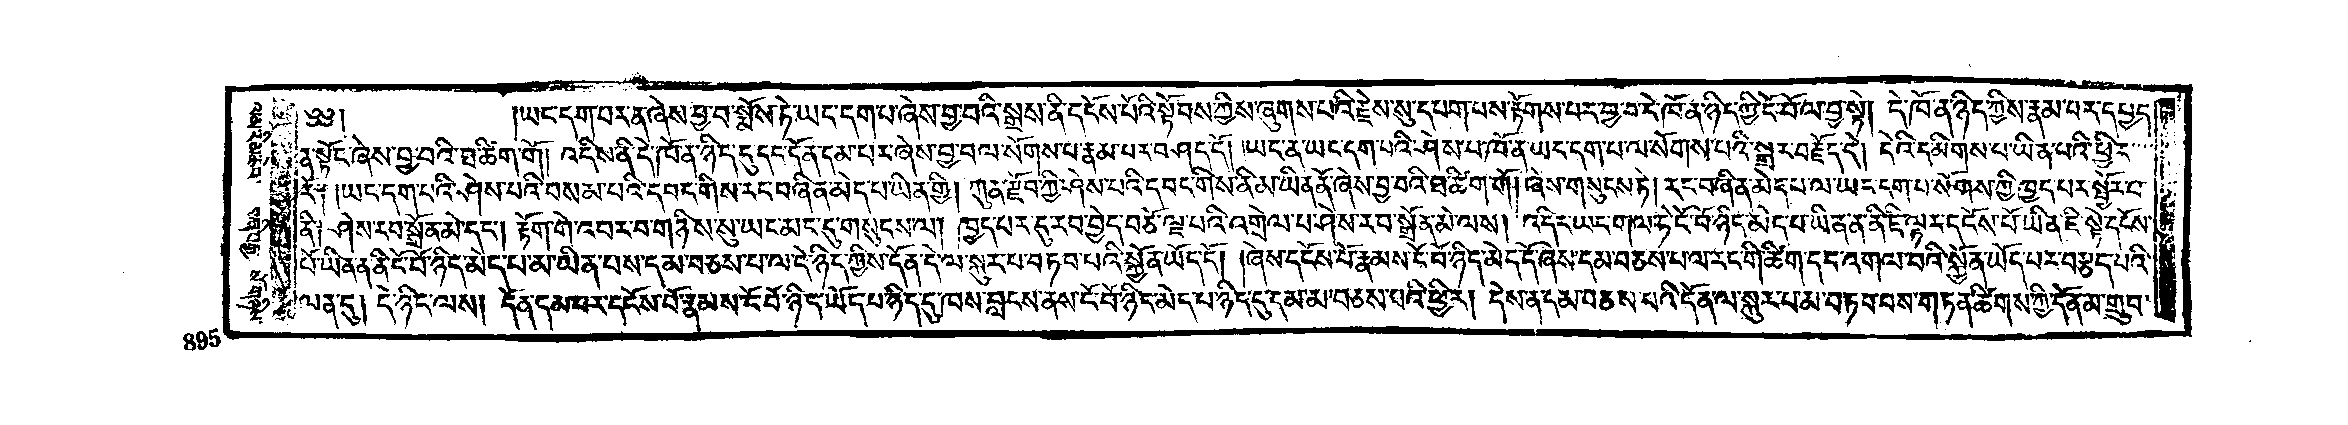༄༅། །ཡང་དག་པར་ན་ཞེས་བྱ་བ་སྨོས་ཏེ་ཡང་དག་པ་ཞེས་བྱ་བའི་སྒྲས་ནི་དངོས་པོའི་སྟོབས་ཀྱིས་ཞུགས་པའི་རྗེས་སུ་དཔག་པས་རྟོགས་པར་བྱ་བ་དེ་ཁོ་ན་ཉིད་ཀྱི་ངོ་བོ་ལ་བྱ་སྟེ། དེ་ཁོ་ན་ཉིད་ཀྱིས་རྣམ་པར་དཔྱད་
ན་སྟོང་ཞེས་བྱ་བའི་ཐ་ཚིག་གོ །འདིས་ནི་དེ་ཁོ་ན་ཉིད་དུ་དང་དོན་དམ་པར་ཞེས་བྱ་བ་ལ་སོགས་པ་རྣམ་པར་བཤད་དོ། །ཡང་ན་ཡང་དག་པའི་ཤེས་པ་ཁོ་ན་ཡང་དག་པ་ལ་སོགས་པའི་སྒྲར་བརྗོད་དེ། དེའི་དམིགས་པ་ཡིན་པའི་ཕྱིར་
རོ༑ ༑ཡང་དག་པའི་ཤེས་པའི་བསམ་པའི་དབང་གིས་རང་བཞིན་མེད་པ་ཡིན་གྱི། ཀུན་རྫོབ་ཀྱི་ཤེས་པའི་དབང་གིས་ནི་མ་ཡིན་ནོ་ཞེས་བྱ་བའི་ཐ་ཚིག་གོ །ཞེས་གསུངས་ཏེ། རང་བཞིན་མེད་པ་ལ་ཡང་དག་པ་སོགས་ཀྱི་ཁྱད་པར་སྦྱོར་བ་
ནི༑ ཤེས་རབ་སྒྲོན་མེ་དང་། རྟོག་གེ་འབར་བ་གཉིས་སུ་ཡང་མང་དུ་གསུངས་ལ། ཁྱད་པར་དུ་རབ་བྱེད་བཅོ་ལྔ་པའི་འགྲེལ་པ་ཤེས་རབ་སྒྲོན་མེ་ལས། འདིར་ཡང་གལ་ཏེ་ངོ་བོ་ཉིད་མེད་པ་ཡིན་ན་ནི་ཇི་ལྟར་དངོས་པོ་ཡིན་ཇི་སྟེ་དངོས་
པོ་ཡིན་ན་ནི་ངོ་བོ་ཉིད་མེད་པ་མ་ཡིན་པས་དམ་བཅས་པ་ལ་དེ་ཉིད་ཀྱིས་དོན་དེ་ལ་སྐུར་པ་བཏབ་པའི་སྐྱོན་ཡོད་དོ། །ཞེས་དངོས་པོ་རྣམས་ངོ་བོ་ཉིད་མེད་དོ་ཞེས་དམ་བཅས་པ་ལ་རང་གི་ཚིག་དང་འགལ་བའི་སྐྱོན་ཡོད་པར་བརྩད་པའི་
ལན་དུ། དེ་ཉིད་ལས། དོན་དམ་པར་དངོས་པོ་རྣམས་ངོ་བོ་ཉིད་ཡོད་པ་ཉིད་དུ་ཁས་བླངས་ནས་ངོ་བོ་ཉིད་མེད་པ་ཉིད་དུ་དམ་མ་བཅས་པའི་ཕྱིར། དེས་ན་དམ་བཅས་པའི་དོན་ལ་སྐུར་པ་མ་བཏབ་པས་གཏན་ཚིགས་ཀྱི་དོན་མ་གྲུབ་